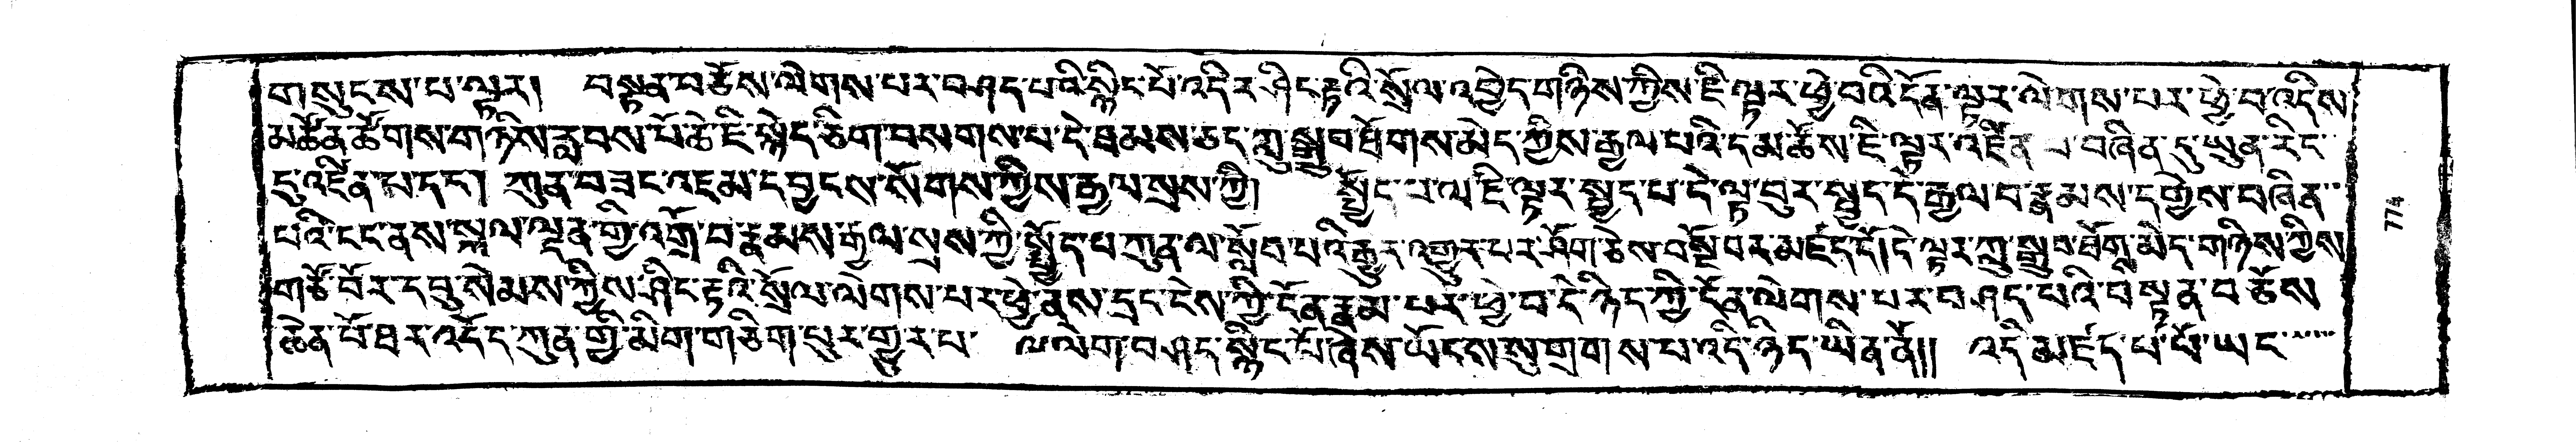གསུངས་པ་ལྟར། བསྟན་བཅོས་ལེགས་པར་བཤད་པའི་སྙིང་པོ་འདིར་ཤིང་རྟའི་སྲོལ་འབྱེད་གཉིས་ཀྱིས་ཇི་ལྟར་ཕྱེ་བའི་དོན་ལྟར་ལེགས་པར་ཕྱེ་བ་འདིས་
མཚོན་ཚོགས་གཉིས་རླབས་པོ་ཆེ་ཇི་སྙེད་ཅིག་བསགས་པ་དེ་ཐམས་ཅད་ཀླུ་སྒྲུབ་ཐོགས་མེད་ཀྱིས་རྒྱལ་པའི་དམ་ཆོས་ཇི་ལྟར་འཛིན་པ་བཞིན་དུ་ཡུན་རིང་
དུ་འཛིན་པ་དང་། ཀུན་བཟང་འཇམ་དབྱངས་སོགས་ཀྱིས་རྒྱལ་སྲས་ཀྱི། སྤྱོད་པ་ལ་ཇི་ལྟར་སྤྱད་པ་དེ་ལྟ་བུར་སྤྱད་དེ་རྒྱལ་བ་རྣམས་དགྱེས་བཞིན་
པའི་ངང་ནས་སྐལ་ལྡན་གྱི་འགྲོ་བ་རྣམས་རྒྱལ་སྲས་ཀྱི་སྤྱོད་པ་ཀུན་ལ་སློབ་པའི་རྒྱུར་འགྱུར་པར་ཤོག་ཅེས་བསྔོ་བར་མཛད་དོ། དེ་ལྟར་ཀླུ་སྒྲུབ་ཐོགས་མེད་གཉིས་ཀྱིས་
གཙོ་བོར་དབུ་སེམས་ཀྱིས་ཤིང་རྟའི་སྲོལ་ལེགས་པར་ཕྱེ་ནས་དྲང་ངེས་ཀྱི་དོན་རྣམ་པར་ཕྱེ་བ་དེ་ཉིད་ཀྱི་དོན་ལེགས་པར་བཤད་པའི་བསྟན་བཅོས་
ཆེན་པོ་ཐར་འདོད་ཀུན་གྱི་མིག་གཅིག་པུར་གྱུར་པ ༧་ལེག་བཤད་སྙིང་པོ་ཞེས་ཡོངས་སུ་གྲགས་པ་འདི་ཉིད་ཡིན་ནོ།། འདི་མཛད་པ་པོ་ཡང་